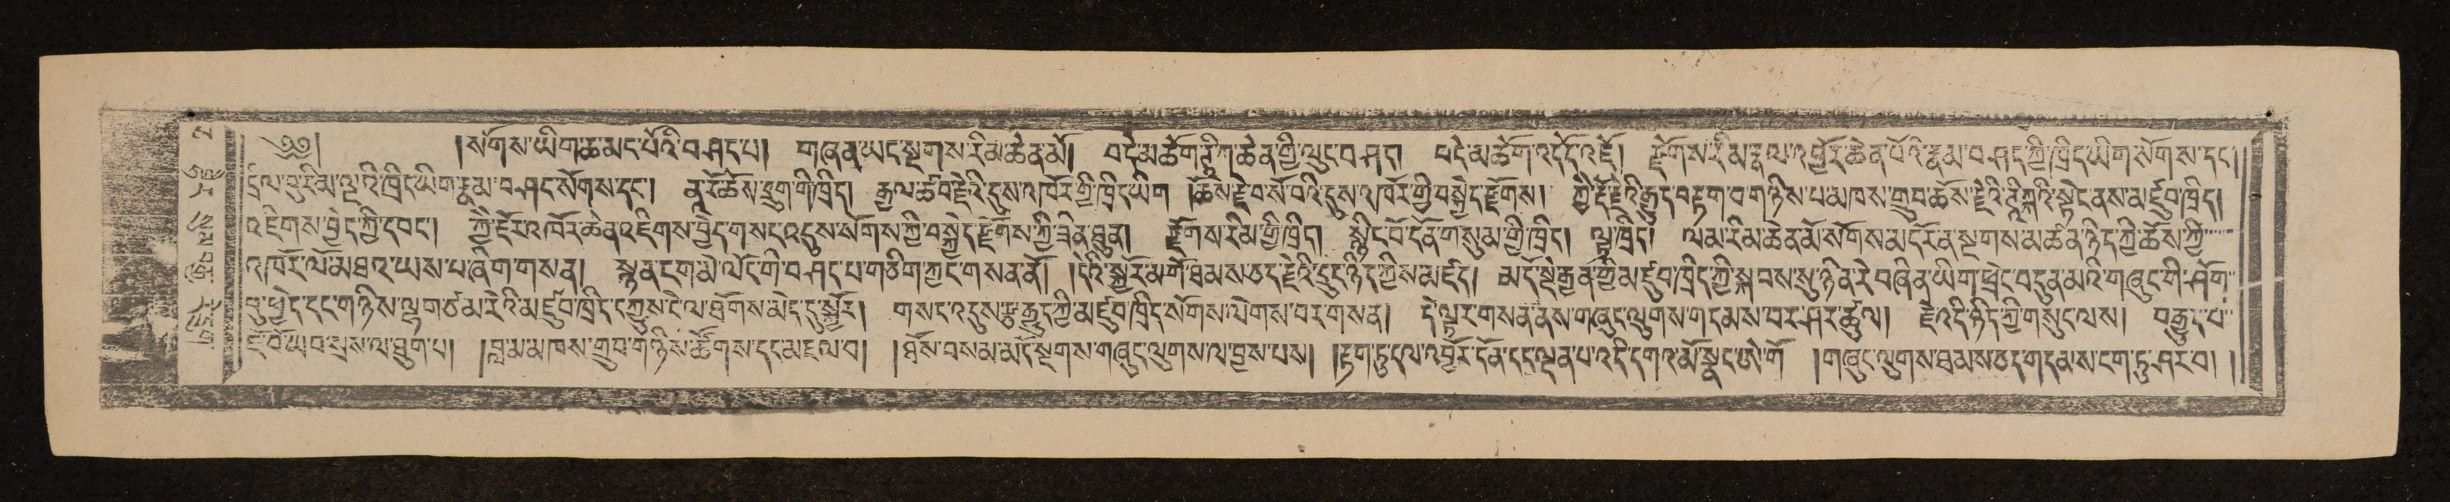༄༅། །སོགས་ཡིག་ཆ་མང་པོའི་བཤད་པ། གཞན་ཡང་སྔགས་རིམ་ཆེན་མོ། བདེ་མཆོག་ཊཱིཀ་ཆེན་གྱི་ལུང་བཤད། བདེ་མཆོག་འདོད་འཇོ། རྫོགས་རིམ་རྣལ་འབྱོར་ཆེན་པོའི་རྣམ་བཤད་ཀྱི་ཁྲིད་ཡིག་སོགས་དང་།
དྲིལ་བུ་རིམ་ལྔའི་ཁྲིད་ཡིག་རྣམ་བཤད་སོགས་དང་། ནཱ་རོ་ཆོས་དྲུག་གི་ཁྲིད། རྒྱལ་ཚབ་རྗེའི་དུས་འཁོར་གྱི་ཁྲིད་ཡིག །ཆོས་རྗེ་བསོ་བའི་དུས་འཁོར་གྱི་བསྐྱེད་རྫོགས། ཀྱཻ་རྡོ་རྗེའི་རྒྱུད་བརྟག་པ་གཉིས་པ་མཁས་གྲུབ་ཆོས་རྗེའི་ཊཱིཀྐའི་སྟེང་ནས་མཛུབ་ཁྲིད།
འཇིགས་བྱེད་ཀྱི་དབང་། ཀྱཻ་རྡོར་འཁོར་ཆེན་འཇིགས་བྱེད་གསང་འདུས་སོགས་ཀྱི་བསྐྱེད་རྫོགས་ཀྱི་ཟིན་ཐུན། རྫོགས་རིམ་གྱི་ཁྲིད། སྙིང་པོ་དོན་གསུམ་གྱི་ཁྲིད། ལྟ་ཁྲིད། ལམ་རིམ་ཆེན་མོ་སོགས་མདོར་ན་སྔགས་མཚན་ཉིད་ཀྱི་ཆོས་ཀྱི་
འཁོར་ལོ་མཐའ་ཡས་པ་ཞིག་གསན། སྙན་ངག་མེ་ལོང་གི་བཤད་པ་གཅིག་ཀྱང་གསན་ནོ། །དེའི་སྐྱོར་མགོ་ཐམས་ཅད་རྗེའི་དྲུང་ཉིད་ཀྱིས་མཛད། མདོ་སྡེ་རྒྱན་གྱི་མཛུབ་ཁྲིད་ཀྱི་སྐབས་སུ་ཉིན་རེ་བཞིན་ཡིག་ཕྲེང་བདུན་མའི་གཞུང་གི་ཤོག་
བུ་ཕྱེད་དང་གཉིས་ལྷག་ཙམ་རེའི་མཛུབ་ཁྲིད་དཀྱུས་རེ་ལ་ཐོགས་མེད་དུ་སྐྱོར། གསང་འདུས་རྩ་རྒྱུད་ཀྱི་མཛུབ་ཁྲིད་སོགས་ལེགས་པར་གསན། དེ་ལྟར་གསན་ནས་གཞུང་ལུགས་གདམས་བར་ཤར་ཚུལ། རྗེ་འདི་ཉིད་ཀྱི་གསུང་ལས། བརྒྱུད་པ་
ཇོ་བོ་ཡབ་སྲས་ལ་ཐུག་པ། །བླ་མ་མཁས་གྲུབ་གཉིས་ཚོགས་དང་མཇལ་བ། །ཐོས་བསམ་མདོ་སྔགས་གཞུང་ལུགས་ལ་བྱས་པས། །རྟག་ཏུ་དལ་འབྱོར་དོན་དང་ལྡན་པ་འདི་དགའ་མོ་སྣང་ཨེ་གོ །གཞུང་ལུགས་ཐམས་ཅད་གདམས་ངག་ཏུ་ཤར་བ། །